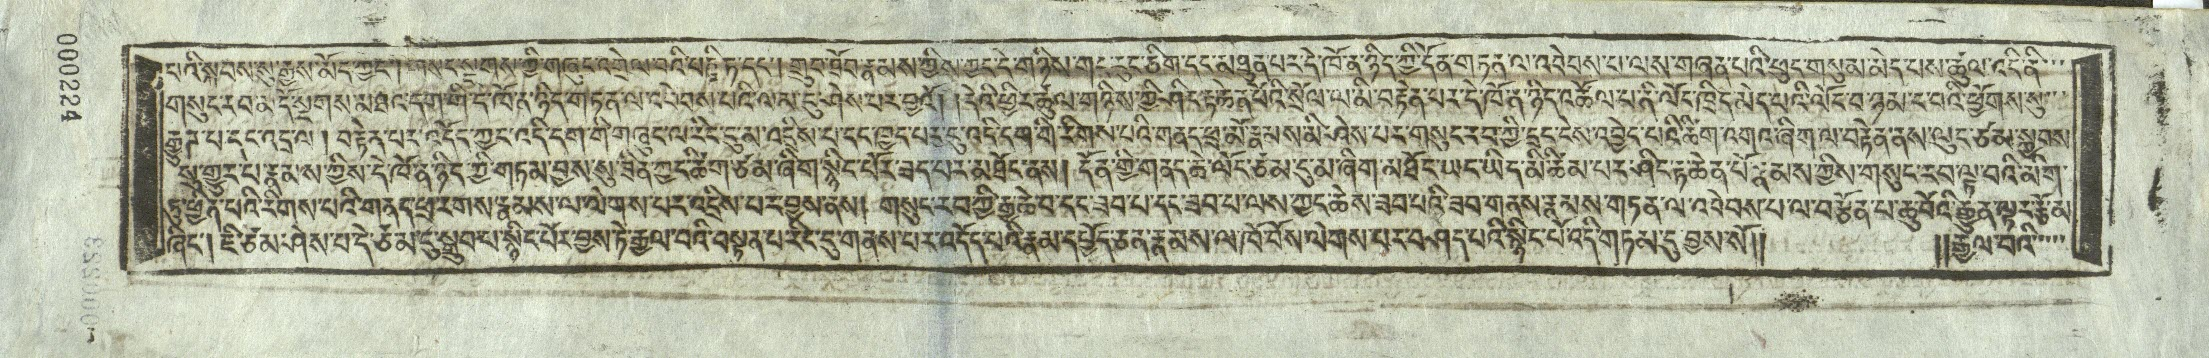པའི་སྐབས་སུ་རྒྱས་མོད་ཀྱང་། གསང་སྔགས་ཀྱི་གཞུང་འགྲེལ་བའི་པཎྜི་ཏ་དང་། གྲུབ་ཐོབ་རྣམས་ཀྱིས་ཀྱང་དེ་གཉིས་གང་རུང་ཅིག་དང་མཐུན་པར་དེ་ཁོ་ན་ཉིད་ཀྱི་དོན་གཏན་ལ་འབེབས་པ་ལས་གཞན་པའི་ཕུང་གསུམ་མེད་པས་ཚུལ་འདི་ནི་
གསུང་རབ་མདོ་སྔགས་མཐའ་དག་གི་དེ་ཁོ་ན་ཉིད་གཏན་ལ་འབེབས་པའི་ལམ་དུ་ཤེས་པར་བྱའོ། །དེའི་ཕྱིར་ཚུལ་གཉིས་ཀྱི་ཤིང་རྟ་ཆེན་པོའི་སྲོལ་ལ་མི་བརྟེན་པར་དེ་ཁོ་ན་ཉིད་འཚོལ་པ་ནི་ལོང་ཁྲིད་མེད་པའི་ལོང་བ་ཉམ་ང་བའི་ཕྱོགས་སུ་
རྒྱུགས་པ་དང་འདྲ་ལ། བརྟེན་པར་འདོད་ཀྱང་འདི་དག་གི་གཞུང་ལ་རིང་དུ་མ་འདྲིས་པ་དང་ཁྱད་པར་དུ་འདི་དག་གི་རིགས་པའི་གནད་ཕྲ་མོ་རྣམས་མི་ཤེས་པར་གསུང་རབ་ཀྱི་དྲང་ངེས་འབྱེད་པའི་ཚིག་འགའ་ཞིག་ལ་བརྟེན་ནས་ལུང་ཙམ་སྐྱབས་
སུ་གྱུར་པ་རྣམས་ཀྱིས་དེ་ཁོ་ན་ཉིད་ཀྱི་གཏམ་བྱས་སུ་ཟིན་ཀྱང་ཚིག་ཙམ་ཞིག་སྙིང་པོར་ཟད་པར་མཐོང་ནས། དོན་གྱི་གནད་ཆེ་ལོང་ཙམ་དུ་མ་ཞིག་མཐོང་ཡང་ཡིད་མི་ཚིམ་པར་ཤིང་རྟ་ཆེན་པོ་རྣམས་ཀྱིས་གསུང་རབ་ལྟ་བའི་མིག་
ཏུ་ཕྱིན་པའི་རིགས་པའི་གནད་ཕྲ་རགས་རྣམས་ལ་ལེགས་པར་འདྲིས་པར་བྱས་ནས། གསུང་རབ་ཀྱི་རྒྱ་ཆེ་བ་དང་ཟབ་པ་དང་ཟབ་པ་ལས་ཀྱང་ཆེས་ཟབ་པའི་ཟབ་གནས་རྣམས་གཏན་ལ་འབེབས་པ་ལ་བརྩོན་པ་ཆུ་བོའི་རྒྱུན་ལྟར་རྩོམ་
ཞིང་། ཇི་ཙམ་ཤེས་པ་དེ་ཙམ་དུ་སྒྲུབ་པ་སྙིང་པོར་བྱས་ཏེ་རྒྱལ་བའི་བསྟན་པ་རིང་དུ་གནས་པར་འདོད་པའི་རྣམ་དཔྱོད་ཅན་རྣམས་ལ་ཁོ་བོས་ལེགས་པར་བཤད་པའི་སྙིང་པོ་འདི་གཏམ་དུ་བྱས་སོ།། །།རྒྱལ་བའི་